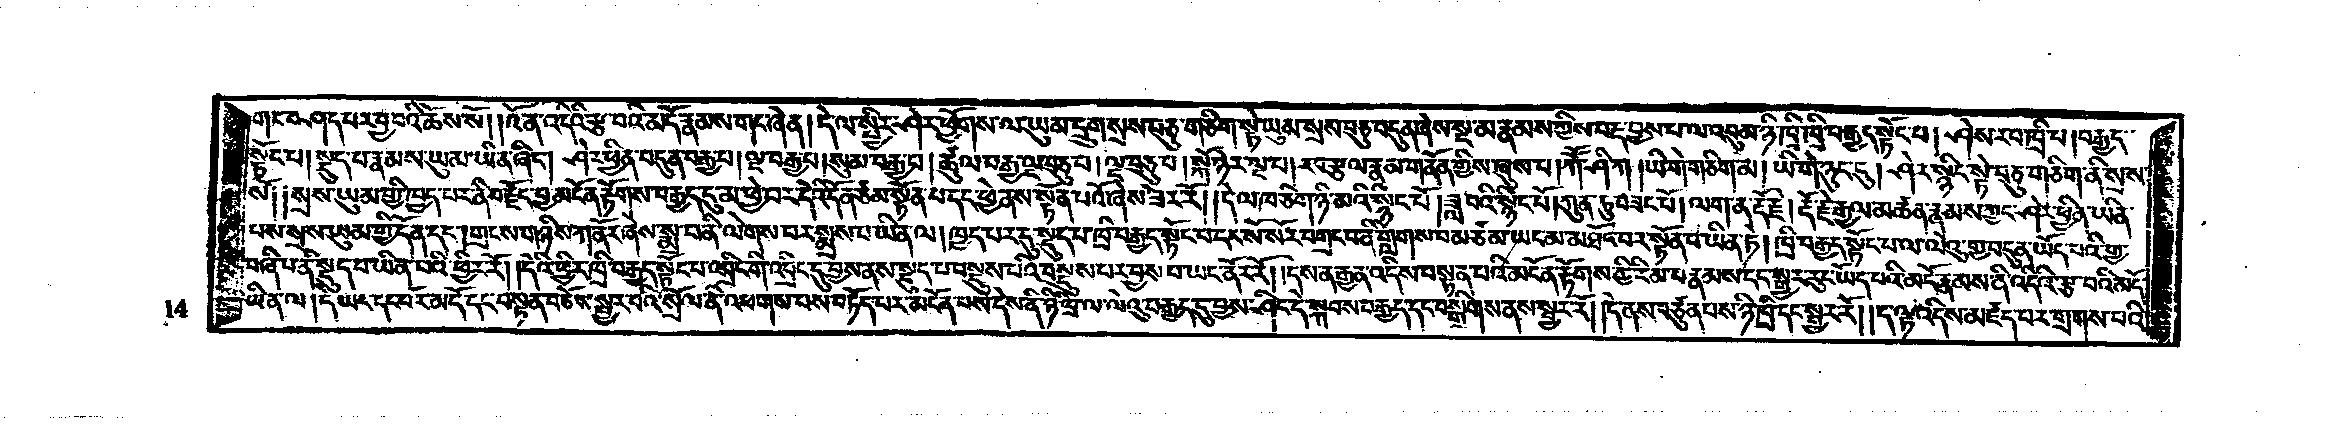གང་བཤད་པར་བྱ་བའི་ཆོས་སོ། །འོ་ན་འདིའི་རྩ་བའི་མདོ་རྣམས་གང་ཞེ་ན། དེ་ལ་སྤྱིར་ཤེར་ཕྱོགས་ལ་ཡུམ་དུག་སྲས་བཅུ་གཅིག་སྟེ་ཡུམ་སྲས་བཅུ་བདུན་ཞེས་སྔ་མ་རྣམས་ཀྱིས་བརྡ་བྱས་པ་ལ་འབུམ་ཉི་ཁྲི་ཁྲི་བརྒྱད་སྟོང་པ། ཤེས་རབ་ཁྲི་པ། བརྒྱད་
སྟོང་པ། སྡུད་པ་རྣམས་ཡུམ་ཡིན་ཞིང་། ཤེར་ཕྱིན་བདུན་བརྒྱ་པ། ལྔ་བརྒྱ་པ། སུམ་བརྒྱ་པ། ཚུལ་བརྒྱ་ལྔ་བཅུ་པ། ལྔ་བཅུ་པ། སྐོ་ཉེར་ལྔ་པ། རབ་རྩལ་རྣམ་གནོན་གྱིས་ཞུས་པ། ཀཽ་ཤི་ཀ། ཡི་གེ་གཅིག་མ། ཡི་གེ་ཉུང་དུ། ཤེར་སྙིང་སྟེ་བཅུ་གཅིག་ནི་སྲས་
སོ། །སྲས་ཡུམ་གྱི་ཁྱད་པར་ནི་བརྗོད་བྱ་མངོན་རྟོགས་བརྒྱད་དུ་མ་ཕྱེ་བར་དེའི་དོན་ཙམ་སྟོན་པ་དང་ཕྱེ་ནས་སྟོན་པའོ་ཞེས་ཟེར་རོ། །དེ་ལ་ཁ་ཅིག་ཉི་མའི་སྙིང་པོ། ཟླ་བའི་སྙིང་པོ། ཀུན་ཏུ་བཟང་པོ། ལག་ན་རྡོ་རྗེ། རྡོ་རྗེ་རྒྱལ་མཚན་རྣམས་ཀྱང་ཤེར་ཕྱིན་ཡིན་
པས་སྲས་ཡུམ་གྱི་དོན་དང་། གྲངས་གཉིས་ཀ་ནོར་ཞེས་སྨྲ་བ་ནི་ལེགས་པར་སྨྲས་པ་ཡིན་ལ། ཁྱད་པར་དུ་སྡུད་པ་ཁྲི་བརྒྱད་སྟོང་པ་དང་སོ་སོར་བགྲང་བ་ནི་གླེགས་བམ་ཙམ་ཡང་མ་མཐོང་བར་སྟོན་པ་ཡིན་ཏེ། ཁྲི་བརྒྱད་སྟོང་པ་ལ་ལེའུ་གྱ་བདུན་ཡོད་པའི་གྱ་
བཞི་པ་ནི་སྡུད་པ་ཡིན་པའི་ཕྱིར་རོ། །དེའི་ཕྱིར་ཁྲི་བརྒྱད་སྟོང་པ་འབྲིང་གི་འབྲིང་དུ་བྱས་ནས་སྡུད་པ་བསྡུས་པའི་བསྡུས་པར་བྱས་པ་ཡང་ནོར་རོ། །དེས་ན་རྒྱན་འདིས་བསྟན་པའི་མངོན་རྟོགས་ཀྱི་རིམ་པ་རྣམས་དང་སྒྱར་རུང་ཡོད་པའི་མདོ་རྣམས་ནི་འདིའི་རྩ་བའི་མདོ་
ཡིན་ལ། དེ་ཡང་དང་པོར་མདོ་དང་བསྟན་བཅོས་སྦྱར་བའི་སྲོལ་ནི་འཕགས་པས་བཏོད་པར་མངོན་པས་དེས་ནི་ཉི་ཁྲི་ལ་ལེའུ་བརྒྱད་དུ་བྱས་ཤིང་དེ་སྐབས་བརྒྱད་དང་བསྒྲིགས་ནས་སྦྱར་རོ། །དེ་ནས་བཙུན་པས་ཉི་ཁྲི་དང་སྦྱར་རོ། །ད་ལྟ་འདིས་མཛད་པར་གྲགས་པའི་